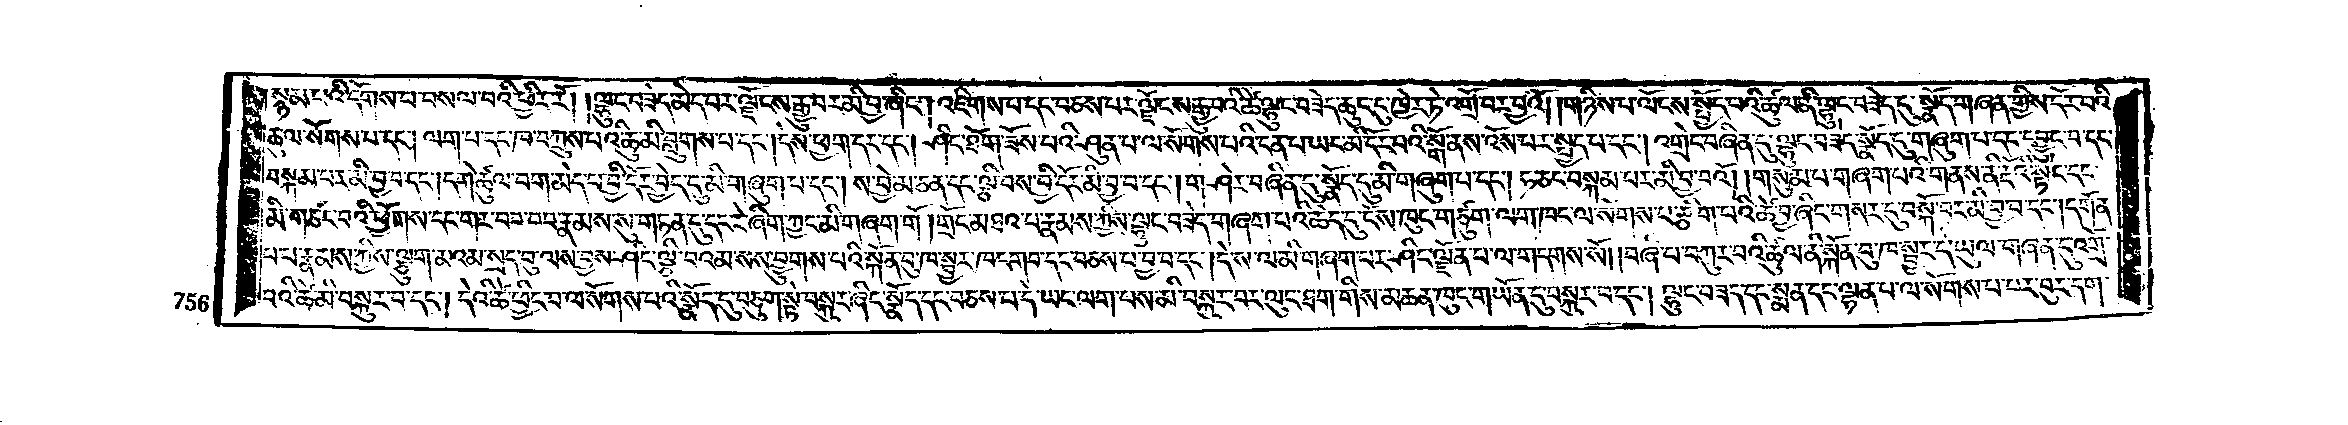སྙམ་པའི་དོགས་པ་བསལ་བའི་ཕྱིར་རོ། །ལྷུང་བཟེད་མེད་པར་ལྗོངས་རྒྱུ་བར་མི་བྱ་ཞིང་། འཇིགས་པ་དང་བཅས་པར་ལྗོངས་རྒྱུ་བའི་ཚེ་ལྷུང་བཟེད་ཆུང་ངུ་ཁྱེར་ཏེ་འགྲོ་བར་བྱའོ། །གཉིས་པ་ལོངས་སྤྱོད་པའི་ཚུལ་ནི་ལྷུང་བཟེད་དུ་སྣོད་གཞན་གྱིས་དོར་བའི་
ཆུ་ལ་སོགས་པ་དང་། ལག་པ་དང་ཁ་བཀྲུས་པའི་ཆུ་མི་བླུགས་པ་དང་། དེས་ཕྱག་དར་དང་། ཤིང་ཐོག་ཟོས་པའི་ཤུན་པ་ལ་སོགས་པའི་ངན་པ་ཡང་མི་དོར་བའི་སྒོ་ནས་འོས་པར་སྤྱད་པ་དང་། འགྲེང་བཞིན་དུ་ལྷུང་བཟེད་སྣོད་དུ་གཞུག་པ་དང་དབྱུང་བ་དང་
བསྐམ་པར་མི་བྱ་བ་དང་། དགེ་ཚུལ་བག་མེད་པ་བྱི་དོར་བྱེད་དུ་མི་གཞུག་པ་དང་། ས་བྱེ་མ་ཅན་དང་ལྕི་བས་བྱི་དོར་མི་བྱ་བ་དང་། གཤེར་བཞིན་དུ་སྣོད་དུ་མི་གཞུག་པ་དང་། ཧ་ཅང་བསྐམ་པར་མི་བྱ་བའོ། །གསུམ་པ་གཞག་པའི་གནས་ནི་རྡོའི་སྟེང་དང་
མི་གཙང་བའི་ཕྱོགས་དང་གར་བབ་བབ་རྣམས་སུ་གཏན་དུ་དང་རེ་ཞིག་ཀྱང་མི་གཞག་གོ །གྲོང་མཐའ་པ་རྣམས་ཀྱིས་ལྷུང་བཟེད་གཞག་པའི་ཆེད་དུ་ངོས་ཁུང་གཙུག་ལག་ཁང་ལ་སོགས་པ་རྩིག་པའི་ཚེ་བྱ་ཞིང་གསར་དུ་བསྐོ་བར་མི་བྱ་བ་དང་། དགོན་
པ་པ་རྣམས་ཀྱིས་ལྕུག་མའམ་སྲད་བུ་ལས་བྱས་ཤིང་ལྕི་བའམ་སས་བྱུགས་པའི་སྐོན་བུ་ཁ་སྦྱར་ཁ་དགབ་དང་བཅས་པ་བྱ་བ་དང་། དེ་ས་ལ་མི་གཞག་པར་ཤིང་ལྗོན་པ་ལ་གདགས་སོ། །བཞི་པ་བཀུར་བའི་ཚུལ་ནི་སྐོན་བུ་ཁ་སྦྱར་དེ་ཡུལ་གཞན་དུ་འགྲོ་
བའི་ཚེ་མི་བསྐུར་བ་དང་། དེའི་ཚེ་ཕྱིང་བ་ལ་སོགས་པའི་སྣོད་དུ་བཅུག་སྟེ་བསྐུར་ཞིང་སྣོད་དང་བཅས་པ་དེ་ཡང་ལག་པས་མི་བསྐུར་བར་ལུང་ཐག་གིས་མཆན་ཁུང་གཡོན་དུ་བསྐུར་བ་དང་། ལྷུང་བཟད་དང་སྨན་དང་ལྷན་པ་ལ་སོགས་པ་པར་བུར་དག་